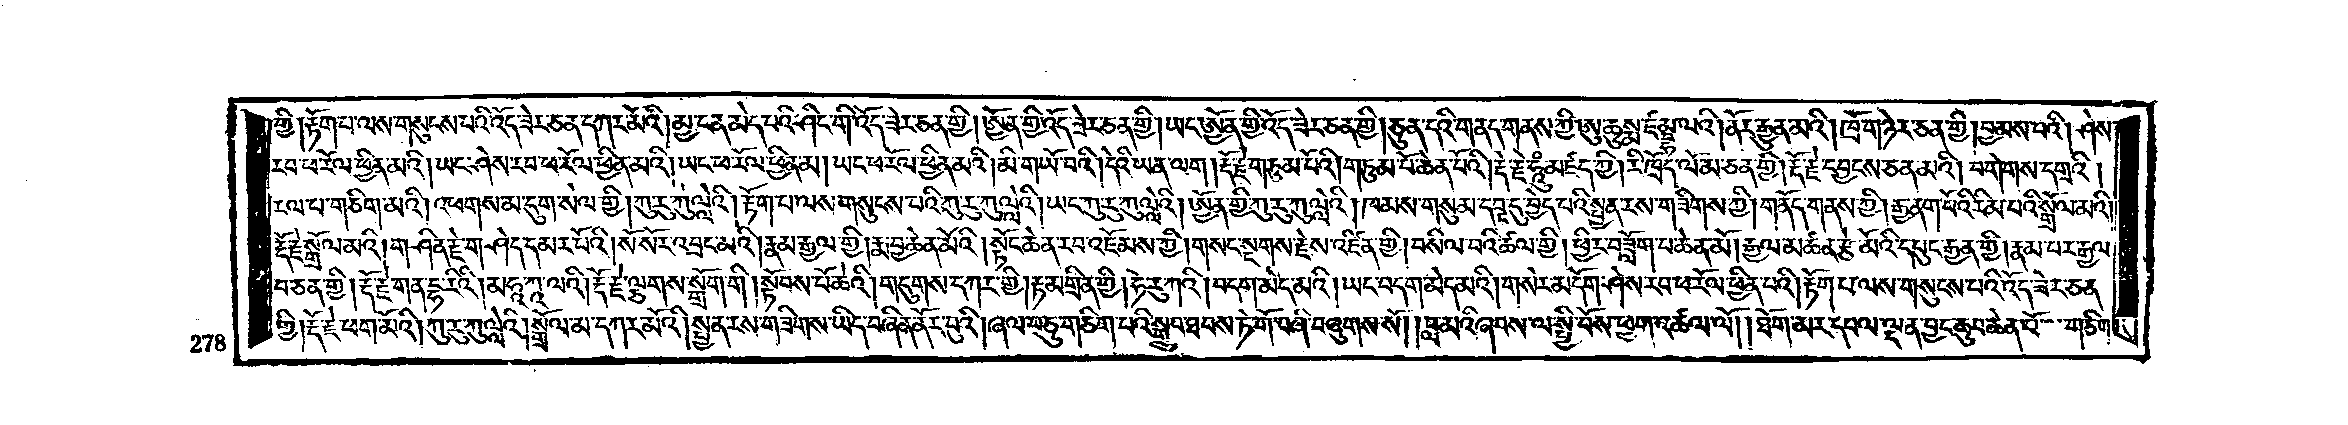གྱི། རྟོག་པ་ལས་གསུངས་པའི་འོད་ཟེར་ཅན་དཀར་མོའི། མྱ་ངན་མེད་པའི་ཤིང་གི་འོད་ཟེར་ཅན་གྱི། ཨཡོན་གྱི་འོད་ཟེར་ཅན་གྱི། ཡང་ཨཡོན་གྱི་འོད་ཟེར་ཅན་གྱི། ཅུན་དའི་གནད་གནས་ཀྱི་ཨུ་ཆུ་སྨ་ཛམྦྷ་ལའི། ནོར་རྒྱུན་མའི། ཁྲོ་གཉེར་ཅན་གྱི། བྱམས་པའི། ཤེས་
རབ་ཕ་རོལ་ཕྱིན་མའི། ཡང་ཤེས་རབ་ཕ་རོལ་ཕྱིན་མའི། ཡང་ཕ་རོལ་ཕྱིན་མ། ཡང་ཕ་རོལ་ཕྱིན་མའི། མི་གཡོ་བའི། དེའི་ཡན་ལག །རྡོ་རྗེ་གཏུམ་པོའི། གཏུམ་པོ་ཆེན་པོའི། རྡོ་རྗེ་ཧཱུཾ་མཛད་ཀྱི། རི་ཁྲོད་ལོ་མ་ཅན་གྱི། རྡོ་རྗེ་དབྱངས་ཅན་མའི། བགེགས་དགྲའི།
རལ་པ་གཅིག་མའི། འཕགས་མ་དུག་སེལ་གྱི། ཀུ་རུ་ཀུ་ལླེའི། རྟོག་པ་ལས་གསུངས་པའི་ཀུ་རུ་ཀུ་ལླེའི། ཡང་ཀུ་རུ་ཀུ་ལླེའི། ཨཡོན་གྱི་ཀུ་རུ་ཀུ་ལླེའི། ཁམས་གསུམ་དབང་དུ་བྱེད་པའི་སྤྱན་རས་གཟིགས་ཀྱི། གནོད་གནས་ཀྱི། རྒྱ་ནག་པོའི་རིམ་པའི་སྒྲོལ་མའི།
རྡོ་རྗེ་སྒྲོལ་མའི། གཤིན་རྗེ་གཤེད་དམར་པོའི། སོ་སོར་འབྲང་མའི། རྣམ་རྒྱལ་གྱི། རྨ་བྱ་ཆེན་མོའི། སྟོང་ཆེན་རབ་འཇོམས་ཀྱི། གསང་སྔགས་རྗེས་འཛིན་གྱི། བསིལ་བའི་ཚལ་གྱི། ཕྱིར་བཟློག་པ་ཆེན་མོ། རྒྱལ་མཚན་རྩེ་མོའི་དཔུང་རྒྱན་གྱི། རྣམ་པར་རྒྱལ་
བ་ཅན་གྱི། རྡོ་རྗེ་གན་དྷ་རིའི། མཧཱ་ཀཱ་ལའི། རྡོ་རྗེ་ལྕགས་སྒྲོག་གི །སྟོབས་པོ་ཆེའི། གདུགས་དཀར་གྱི། རྟ་མགྲིན་གྱི། ཧེ་རུ་ཀའི། བདག་མེད་མའི། ཡང་བདག་མེད་མའི། གསེར་མདོག་ཤེས་རབ་ཕ་རོལ་ཕྱིན་པའི། རྟོག་པ་ལས་གསུངས་པའི་འོད་ཟེར་ཅན་
གྱི། རྡོ་རྗེ་ཕག་མོའི། ཀུ་རུ་ཀུ་ལླེའི། སྒྲོལ་མ་དཀར་མོའི། སྤྱན་རས་གཟིགས་ཡིད་བཞིན་ནོར་བུའི། ཞལ་བཅུ་གཅིག་པའི་སྒྲུབ་ཐབས་ཏེ་གོ་བཞི་བཞུགས་སོ། །བླ་མའི་ཞབས་ལ་སྤྱི་བོས་ཕྱག་འཚལ་ལོ། །ཐོག་མར་དཔལ་ལྡན་བྱང་ཆུབ་ཆེན་པོ་གཅིག་